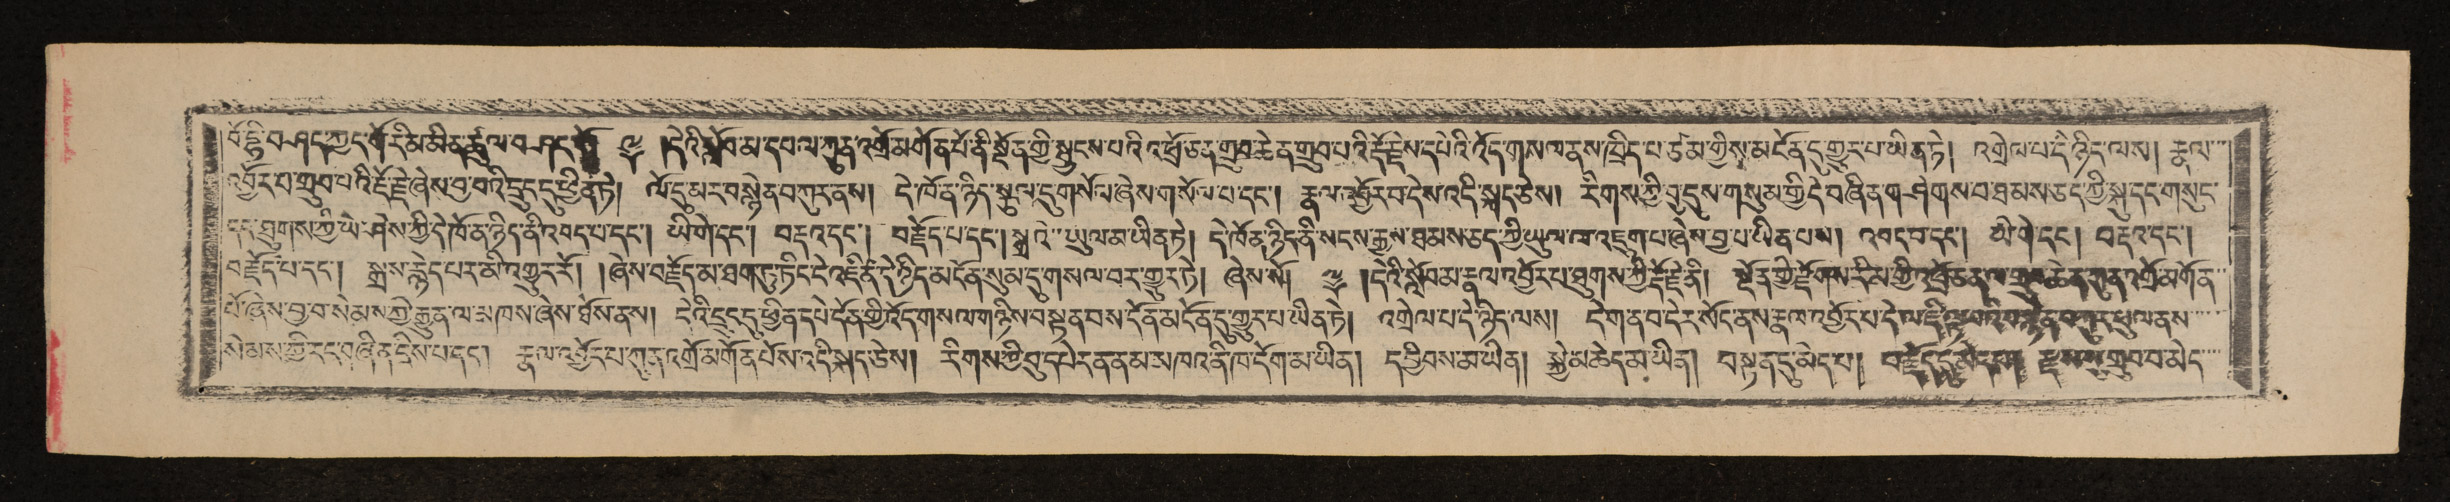བོདྷི་བཤད་ཀྱང་གོ་རིམ་མིན་ཚུལ་བཤད་དོ། ༈ །དེའི་སློབ་མ་དཔལ་ཀུན་འགྲོ་མགོན་པོ་ནི་སྔོན་གྱི་སྦྱངས་པའི་འཕྲོ་ཅན་གྲུབ་ཆེན་གྲུབ་པའི་རྡོ་རྗེས་དཔེའི་འོད་གསལ་ནས་ཁྲིད་པ་ཙམ་གྱིས་མངོན་དུ་གྱུར་པ་ཡིན་ཏེ། འགྲེལ་པ་དེ་ཉིད་ལས། རྣལ་
འབྱོར་པ་གྲུབ་པའི་རྡོ་རྗེ་ཞེས་བྱ་བའི་དྲུང་དུ་བྱིན་ཏེ། ལོ་དུ་མར་བསྙེན་བཀུར་ནས། དེ་ཁོ་ན་ཉིད་སྩལ་དུ་གསོལ་ཞེས་གསོལ་བ་དང་། རྣལ་འབྱོར་པ་དེས་འདི་སྐད་ཅེས། རིགས་ཀྱི་བུ་དུས་གསུམ་གྱི་དེ་བཞིན་གཤེགས་པ་ཐམས་ཅད་ཀྱི་སྐུ་དང་གསུང་
དང་ཐུགས་ཀྱི་ཡེ་ཤེས་ཀྱི་དེ་ཁོ་ན་ཉིད་ནི་འབད་པ་དང་། ཡི་གེ་དང་། བརྡའ་དང་། བརྗོད་པ་དང་། སྒྲའི་ཡུལ་མ་ཡིན་ཏེ། དེ་ཁོ་ན་ཉིད་ནི་སངས་རྒྱས་ཐམས་ཅད་ཀྱི་ཡུལ་ལ་འཇུག་པ་ཞེས་བྱ་བ་ཡིན་པས། འབད་པ་དང་། ཡི་གེ་དང་། བརྡའ་དང་།
བརྗོད་པ་དང་། སྒྲས་རྙེད་པར་མི་འགྱུར་རོ། །ཞེས་པ་རྗོད་མ་ཐག་ཏུ་ཏིང་ངེ་འཛིན་དེ་ཉིད་མངོན་སུམ་དུ་གསལ་བར་གྱུར་ཏེ། ཞེས་སོ། ༈ །དེའི་སློབ་མ་རྣལ་འབྱོར་བ་ཐུགས་ཀྱི་རྡོ་རྗེ་ནི། སྔོན་གྱི་རྫོགས་རིམ་གྱི་འཕྲོ་ཅན་ལ་གྲུབ་ཆེན་ཀུན་འགྲོ་མགོན་
པོ་ཞེས་བྱ་བ་སེམས་ཀྱི་རྒྱུན་ལ་མཁས་ཞེས་ཐོས་ནས། དེའི་དྲུང་དུ་ཕྱིན་དཔེ་དོན་གྱི་འོད་གསལ་གཉིས་བསྟན་པས་དོན་མངོན་དུ་གྱུར་པ་ཡིན་ཏེ། འགྲེལ་པ་དེ་ཉིད་ལས། དེ་ག་ན་བ་དེར་སོང་ནས་རྣལ་འབྱོར་པ་དེ་ལ་ཇི་ལྟ་བའི་བསྙེན་བཀུར་ཕུལ་ནས་
སེམས་ཀྱི་རང་བཞིན་དྲིས་པ་དང་། རྣལ་འབྱོར་པ་ཀུན་འགྲོ་མགོན་པོས་འདི་སྐད་ཅེས། རིགས་ཀྱི་བུ་དཔེར་ན་ནམ་མཁའ་ནི་ཁ་དོག་མ་ཡིན། དབྱིབས་མ་ཡིན། སྐྱེ་མཆེད་མ་ཡིན། བསྟན་དུ་མེད་པ། བརྗོད་དུ་མེད་པ། རྫས་སུ་གྲུབ་པ་མེད་